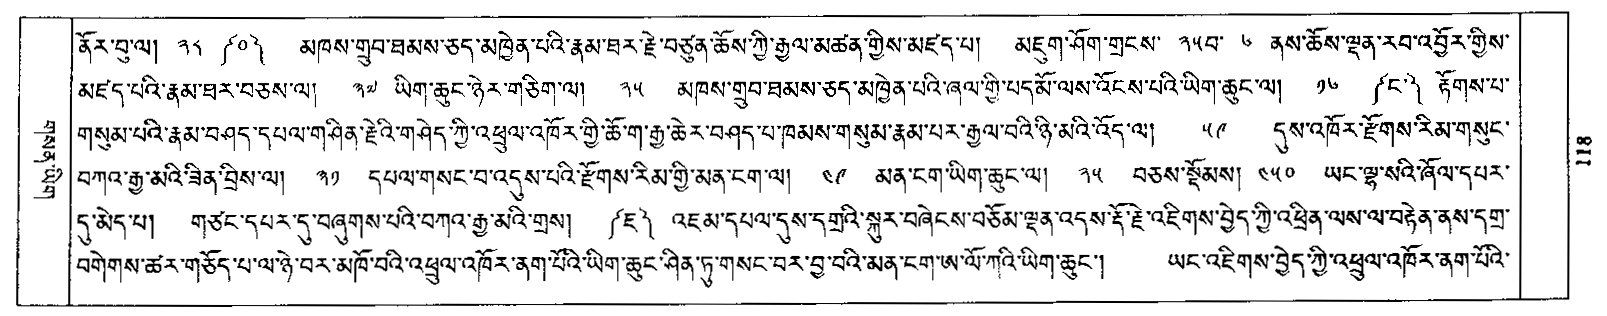ནོར་བུ་ལ། ༢༨ ༠?་མཁས་གྲུབ་ཐམས་ཅད་མཁྱེན་པའི་རྣམ་ཐར་རྗེ་བཙུན་ཆོས་ཀྱི་རྒྱལ་མཚན་གྱིས་མཛད་པ། མཇུག་ཤོག་གྲངས ༢༥་བ ༦་ནས་ཆོས་ལྡན་རབ་འབྱོར་གྱིས་
མཛད་པའི་རྣམ་ཐར་བཅས་ལ། ༣༧་ཡིག་ཆུང་ཉེར་གཅིག་ལ། ༢༥་མཁས་གྲུབ་ཐམས་ཅད་མཁྱེན་པའི་ཞལ་གྱི་པད་མོ་ལས་འོངས་པའི་ཡིག་ཆུང་ལ། ༡༦་ང྄་རྟོགས་པ་
གསུམ་པའི་རྣམ་བཤད་དཔལ་གཤིན་རྗེའི་གཤེད་ཀྱི་འཕྲུལ་འཁོར་གྱི་ཆོ་ག་རྒྱ་ཆེར་བཤད་པ་ཁམས་གསུམ་རྣམ་པར་རྒྱལ་བའི་ཉི་མའི་འོད་ལ། ༥༩་དུས་འཁོར་རྫོགས་རིམ་གསུང་
བཀའ་རྒྱ་མའི་ཟིན་བྲིས་ལ། ༣༡་དཔལ་གསང་བ་འདུས་པའི་རྫོགས་རིམ་གྱི་མན་ངག་ལ། ༤༩་མན་ངག་ཡིག་ཆུང་ལ། ༢༥་བཅས་སྡོམས། ༤༥༠་ཡང་ལྷ་སའི་ཞོལ་དཔར་
དུ་མེད་པ། གཙང་དཔར་དུ་བཞུགས་པའི་བཀའ་རྒྱ་མའི་གྲས། ཇ྄་འཇམ་དཔལ་དུས་དགྲའི་སྐུར་བཞེངས་བཅོམ་ལྡན་འདས་རྡོ་རྗེ་འཇིགས་བྱེད་ཀྱི་འཕྲིན་ལས་ལ་བརྟེན་ནས་དགྲ་
བགེགས་ཚར་གཅོད་པ་ལ་ཉེ་བར་མཁོ་བའི་འཕྲུལ་འཁོར་ནག་པོའི་ཡིག་ཆུང་ཤིན་ཏུ་གསང་བར་བྱ་བའི་མན་ངག་ཨ་ལོ་ཀའི་ཡིག་ཆུང་། ཡང་འཇིགས་བྱེད་ཀྱི་འཕྲུལ་འཁོར་ནག་པོའི་